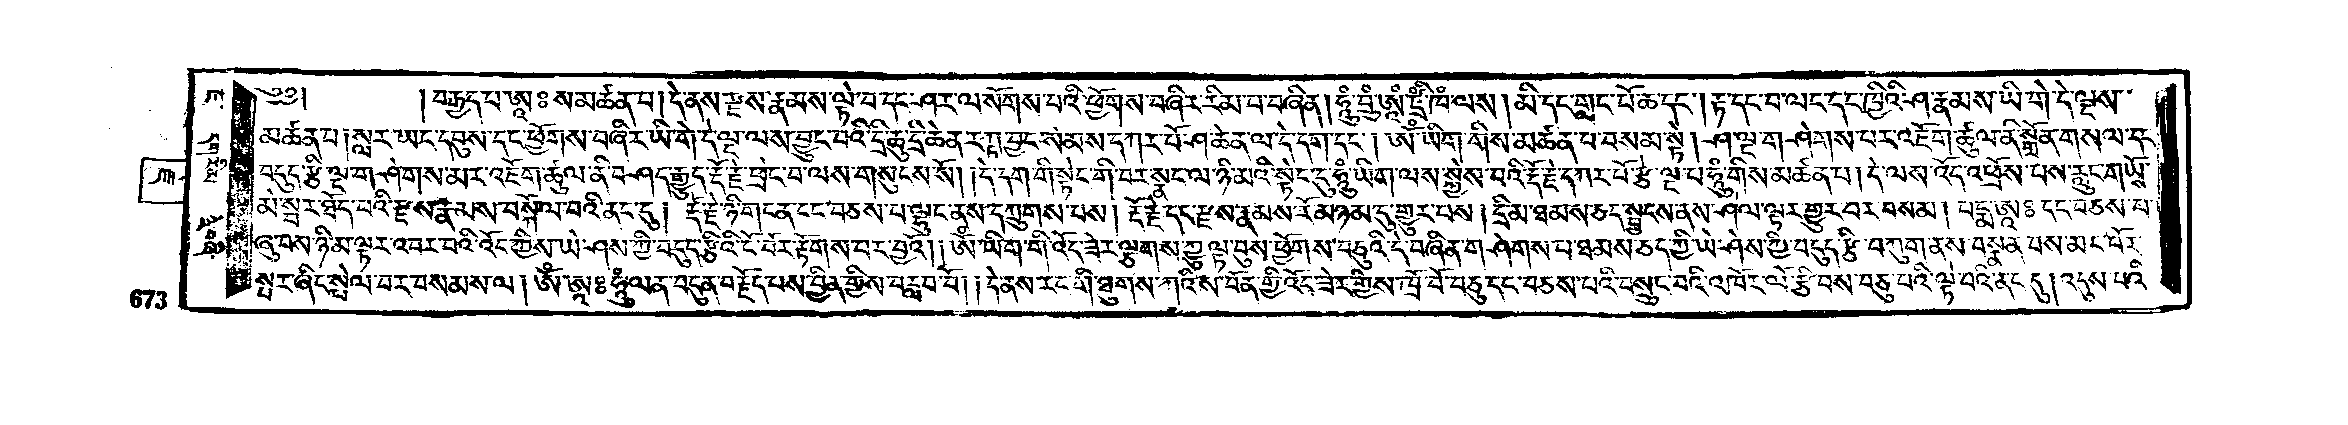༄༅། །བརྒྱད་པ་ཨཱཿ ས་མཚན་པ། དེ་ནས་རྫས་རྣམས་ལྟེ་བ་དང་ཤར་ལ་སོགས་པའི་ཕྱོགས་བཞིར་རིམ་པ་བཞིན། ཧཱུཾ་བྲུཾ་ཨཱཾ་ཛྲིཾ་ཁཾ་ལས། མི་དང་གྲང་པོ་ཆ་དང་། རྟ་དང་བ་ལང་དང་ཁྱིའི་ཤ་རྣམས་ཀྱི་གེ་དེ་ལྔས་
མཚན་པ། སླར་ཡང་དབུས་དང་ཕྱོགས་བཞིར་ཡི་གེ་དེ་ལྔ་ལས་བྱུང་བའི་དྲི་ཆུ་དྲི་ཆེན་རཀྟ་བྱང་སེམས་དཀར་པོ་ཤ་ཆེན་ལ་དེ་དག་དང་། ཨོཾ་ཡིག་གིས་མཚན་པ་བསམ་སྟེ། ཤ་ལྔ་གཤེགས་པར་འཇོག་ཚུལ་ནི་སྒྲོན་གསལ་དང་
བདུད་རྩི་ལྔ་གཤེགས་མར་འཇོག་ཚུལ་ནི་བཤད་རྒྱུད་རྡོ་རྗེ་ཕྲེང་བ་ལས་གསུངས་སོ། །དེ་དག་གི་སྟེང་གི་བར་སྣང་ལ་ཉི་མའི་སྟེང་དུ་ཧཱུཾ་ཡིག་ལས་སྐྱེས་པའི་རྡོ་རྗེ་དཀར་པོ་རྩེ་ལྔ་པ་ཧཱུཾ་གྱིས་མཚན་པ། དེ་ལས་འོད་འཕྲོས་པས་རུང་གཡོས་
མེ་སྦར་ཐོད་པའི་རྫས་རྣམས་བསྐོལ་བའི་ནང་དུ། རྡོ་རྗེ་ཉི་གང་ན་དང་བཅས་པ་ལྷུང་ནས་དཀྲུགས་པས། རྡོ་རྗེ་དང་རྫས་རྣམས་རོ་མཉམ་དུ་གྱུར་པས། དྲི་མ་ཐམས་ཅད་སྦྱངས་ནས་ཤེལ་ལྟར་གྱུར་པར་བསམ། པདམ་ཨཱཿ དང་བཅས་པ་
ཞུ་བས་ཉི་མ་ལྟར་འབར་བའི་འོད་ཀྱིས་ཡེ་ཤེས་ཀྱི་བདུད་རྩིའི་ངོ་བོར་རྟོགས་པར་བྱའོ། །ཨོཾ་ཡིག་གི་འོད་ཟེར་ལྕགས་ཀྱུ་ལྟ་བུས་ཕྱོགས་བཅུའི་དེ་བཞིན་གཤེགས་པ་ཐམས་ཅད་ཀྱི་ཡེ་ཤེས་ཀྱི་བདུད་རྩི་བཀུག་ནས་བསྣན་བས་མང་པོར་
སྦར་ཞིང་སྤེལ་བར་བསམས་ལ། ཨོཾ་ཨཱཿ ཧཱུཾ་ལན་བདུན་བརྗོད་པས་བྱིན་གྱིས་བརླབ་བོ། །དེ་ནས་རང་གི་ཐུགས་ཀའི་ས་བོན་གྱི་འོད་ཟེར་གྱིས་ཁྲོ་བོ་བཅུ་དང་བཅས་པའི་བསྲུང་བའི་འཁོར་ལོ་བརྩིབས་བཅུ་པའི་ལྟེ་བའི་ནང་དུ། འདུས་པའི་